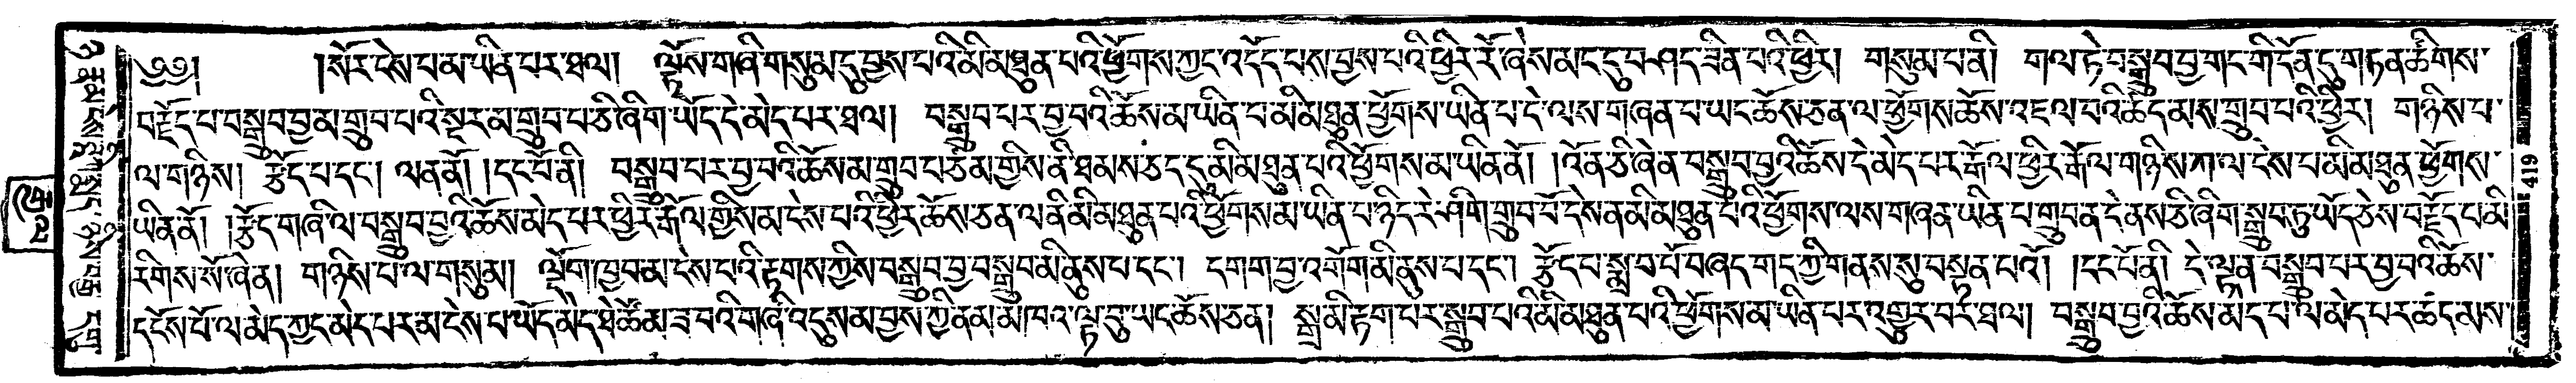༄༅། །སོར་ངེས་པ་མ་ཡིན་པར་ཐལ། ལྟོས་གཞི་གསུམ་དུ་བྱས་པའི་མི་མཐུན་པའི་ཕྱོགས་ཀྱང་འདོད་པས་བྱས་པའི་ཕྱིར་རོ་ཞེས་མང་དུ་བཤད་ཟིན་པའི་ཕྱིར། གསུམ་པ་ནི། གལ་ཏེ་བསྒྲུབ་བྱ་གང་གི་དོན་དུ་གཏན་ཚིགས་
བརྗོད་པ་བསྒྲུབ་བྱ་མ་གྲུབ་པའི་སྔར་མ་གྲུབ་པ་ཅི་ཞིག་ཡོད་དེ་མེད་པར་ཐལ། བསྒྲུབ་པར་བྱ་བའི་ཆོས་མ་ཡིན་པ་མི་མཐུན་ཕྱོགས་ཡིན་པ་དེ་ལས་གཞན་པ་ཡང་ཆོས་ཅན་ལ་ཕྱོགས་ཆོས་འཇལ་བའི་ཚད་མས་གྲུབ་པའི་ཕྱིར། གཉིས་པ་
ལ་གཉིས། རྩོད་པ་དང་། ལན་ནོ། །དང་པོ་ནི། བསྒྲུབ་པར་བྱ་བའི་ཆོས་མ་གྲུབ་པ་ཙམ་གྱིས་ནི་ཐམས་ཅད་དུ་མི་མཐུན་པའི་ཕྱོགས་མ་ཡིན་ནོ། །འོ་ན་ཅི་ཞེ་ན་བསྒྲུབ་བྱའི་ཆོས་དེ་མེད་པར་རྒོལ་ཕྱིར་རྒོལ་གཉིས་ཀ་ལ་ངེས་པ་མི་མཐུན་ཕྱོགས་
ཡིན་ནོ། །རྩོད་གཞི་ལ་བསྒྲུབ་བྱའི་ཆོས་མེད་པར་ཕྱིར་རྒོལ་གྱིས་མ་ངེས་པའི་ཕྱིར་ཆོས་ཅན་ལ་ནི་མི་མཐུན་པའི་ཕྱོགས་མ་ཡིན་པ་ཉིད་རེ་ཤིག་གྲུབ་པོ་དེས་ན་མི་མཐུན་པའི་ཕྱོགས་ལས་གཞན་ཡིན་པ་གྲུབ་ན་དེ་ནས་ཅི་ཞིག་སྒྲུབ་ཏུ་ཡོད་ཅེས་བརྗོད་པ་མི་
རིགས་སོ་ཞེ་ན། གཉིས་པ་ལ་གསུམ། ལྡོག་ཁྱབ་མ་ངེས་པའི་རྟགས་ཀྱིས་སྒྲུབ་བྱ་བསྒྲུབ་མི་ནུས་པ་དང་། དགག་བྱ་འགོག་མི་ནུས་པ་དང་། རྩོད་པ་སྨྲ་བ་པོ་བཞད་གད་ཀྱི་གནས་སུ་བསྟན་པའོ། །དང་པོ་ནི། དེ་ལྟ་ན་བསྒྲུབ་པར་བྱ་བའི་ཆོས་
དངོས་པོ་ལ་མེད་ཀྱང་མེད་པར་མ་ངེས་པ་ཡོད་མེད་ཐེ་ཚོམ་ཟ་བའི་གཞི་འདུས་མ་བྱས་ཀྱི་ནམ་མཁའ་ལྟ་བུ་ཡང་ཆོས་ཅན། སྒྲ་མི་རྟག་པར་སྒྲུབ་པའི་མི་མཐུན་པའི་ཕྱོགས་མ་ཡིན་པར་འགྱུར་བར་ཐལ། བསྒྲུབ་བྱའི་ཆོས་མེད་པ་ལ་མེད་པར་ཚད་མས་